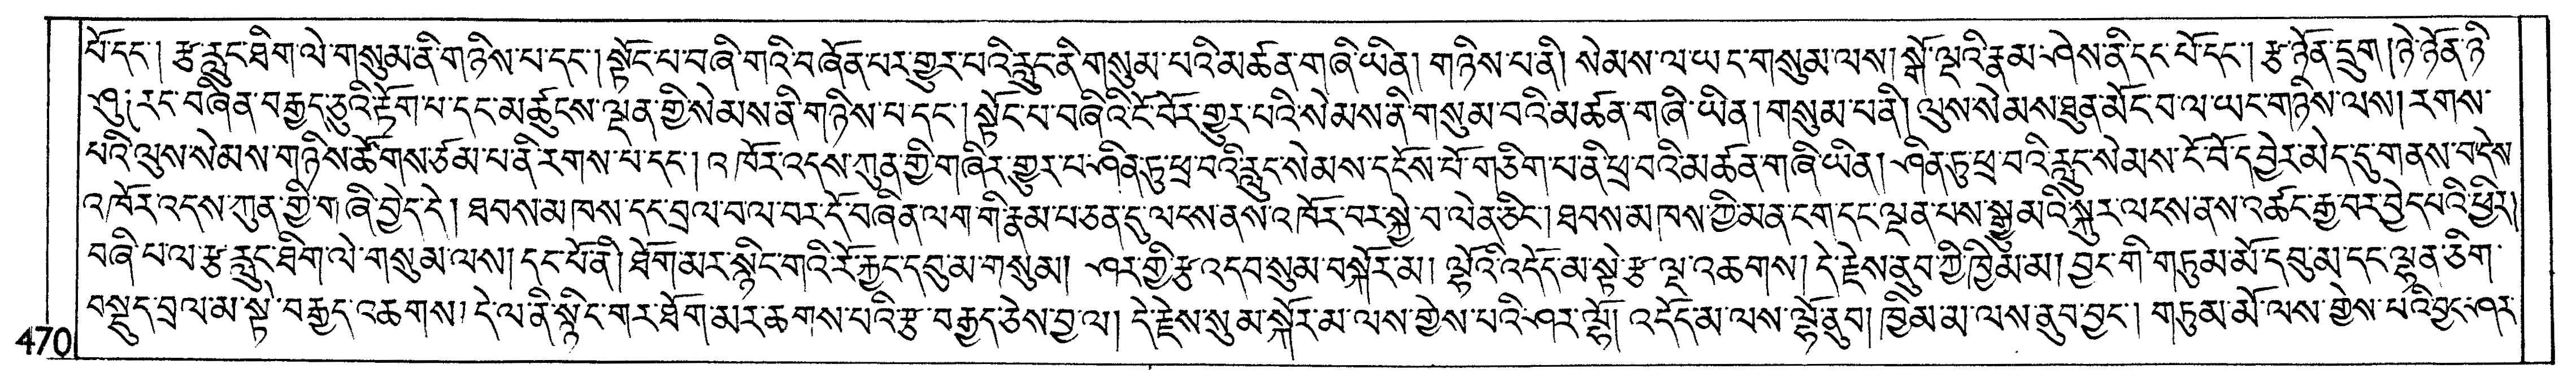པོ་དང་། རྩ་རླུང་ཐིག་ལེ་གསུམ་ནི་གཉིས་པ་དང་། སྟོང་པ་བཞི་གའི་བཞོན་པར་གྱུར་པའི་རླུང་ནི་གསུམ་པའི་མཚན་གཞི་ཡིན། གཉིས་པ་ནི། སེམས་ལ་ཡང་གསུམ་ལས། སྒོ་ལྔའི་རྣམ་ཤེས་ནི་དང་པོ་དང་། རྩ་ཉོན་དྲུག །ཉེ་ཉོན་ཉི་
ཤུ༑ རང་བཞིན་བརྒྱད་ཅུའི་རྟོག་པ་དང་མཚུངས་ལྡན་གྱི་སེམས་ནི་གཉིས་པ་དང་། སྟོང་པ་བཞིའི་ངོ་བོར་གྱུར་པའི་སེམས་ནི་གསུམ་པའི་མཚན་གཞི་ཡིན། གསུམ་པ་ནི། ལུས་སེམས་ཐུན་མོང་བ་ལ་ཡང་གཉིས་ལས། རགས་
པའི་ལུས་སེམས་གཉིས་ཚོགས་ཙམ་པ་ནི་རགས་པ་དང་། འཁོར་འདས་ཀུན་གྱི་གཞིར་གྱུར་པ་ཤིན་ཏུ་ཕྲ་བའི་རླུང་སེམས་དངོས་པོ་གཅིག་པ་ནི་ཕྲ་བའི་མཚན་གཞི་ཡིན། ཤིན་ཏུ་ཕྲ་བའི་རླུང་སེམས་ངོ་བོ་དབྱེར་མེད་དུ་གནས་བ་དེས་
འཁོར་འདས་ཀུན་གྱི་གཞི་བྱེད་དེ། ཐབས་མཁས་དང་བྲལ་བ་ལ་བར་དོ་བཞིན་ལག་གི་རྣམ་པ་ཅན་དུ་ལངས་ནས་འཁོར་བར་སྐྱེ་བ་ལེན་ཅིང་། ཐབས་མཁས་ཀྱི་མན་ངག་དང་ལྡན་པས་སྒྱུ་མའི་སྐུར་ལངས་ནས་འཚང་རྒྱ་བར་བྱེད་པའི་ཕྱིར།
བཞི་པ་ལ་རྩ་རླུང་ཐིག་ལེ་གསུམ་ལས། དང་པོ་ནི། ཐོག་མར་སྙིང་གའི་རོ་རྐྱང་དབུ་མ་གསུམ། ཤར་གྱི་རྩ་འདབ་སུམ་བསྐོར་མ། ལྷོའི་འདོད་མ་སྟེ་རྩ་ལྔ་འཆགས། དེ་རྗེས་ནུབ་ཀྱི་ཁྱིམ་མ། བྱང་གི་གཏུམ་མོ་དབུ་མ་དང་ལྷན་ཅིག་
བསྡུད་བྲལ་མ་སྟེ་བརྒྱད་འཆགས། དེ་ལ་ནི་སྙིང་གར་ཐོག་མར་ཆགས་པའི་རྩ་བརྒྱད་ཅེས་བྱ་ལ། དེ་རྗེས་སུམ་སྐོར་མ་ལས་གྱེས་པའི་ཤར་ལྷོ། འདོད་མ་ལས་ལྷོ་ནུབ། ཁྱིམ་མ་ལས་ནུབ་བྱང་། གཏུམ་མོ་ལས་གྱེས་པའི་བྱང་ཤར་